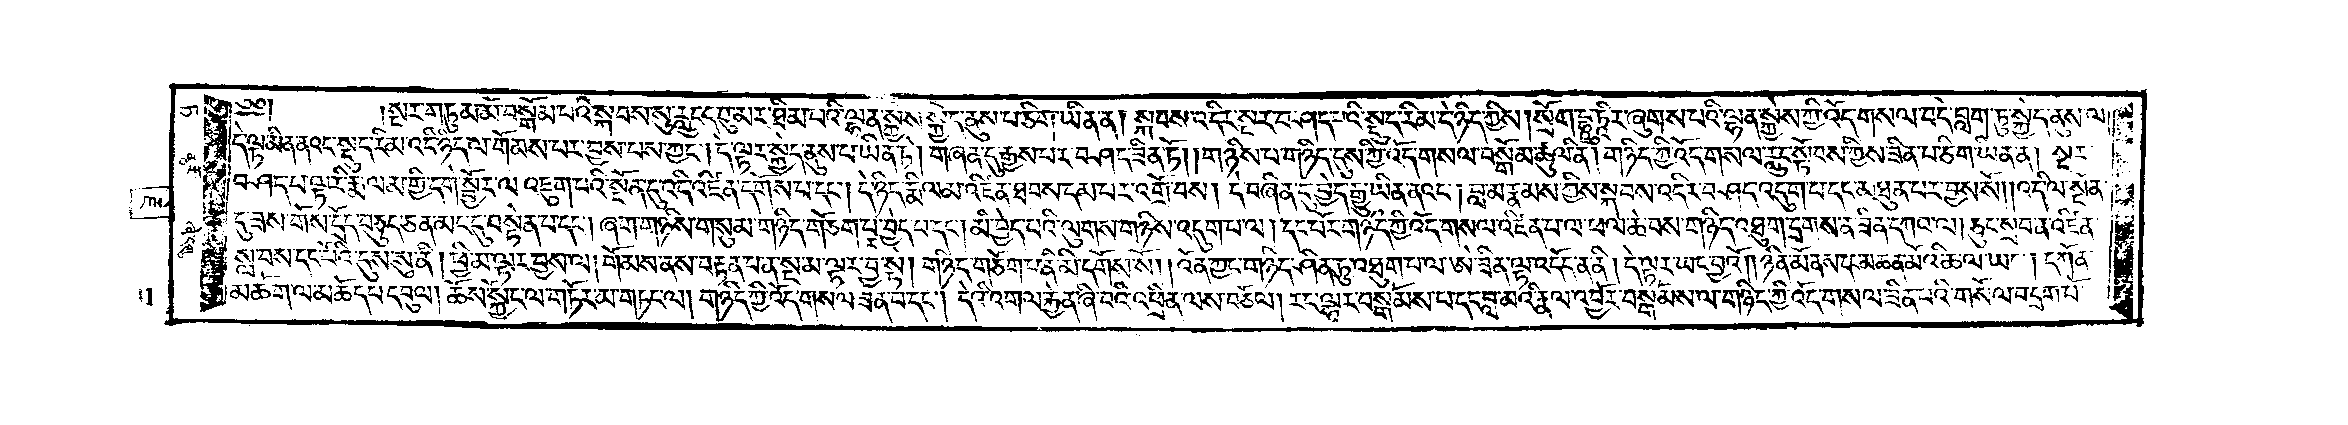༄༅། །སྔར་གཏུམ་མོ་བསྒོམ་པའི་སྐབས་སུ་རླུང་དབུ་མར་ཐིམ་པའི་ལྷན་སྐྱེས་སྐྱེད་ནུས་པ་ཅིག་ཡིན་ན། སྐབས་འདིར་སྔར་བཤད་པའི་སྡུད་རིམ་དེ་ཉིད་ཀྱིས། སྲོག་དྷཱུ་ཏཱིར་ཞུགས་པའི་ལྷན་སྐྱེས་ཀྱི་འོད་གསལ་བདེ་བླག་ཏུ་སྐྱེད་ནུས་ལ།
དེ་ལྟ་མིན་ནའང་སྡུད་རིམ་འདི་ཉིད་ལ་གོམས་པར་བྱས་པས་ཀྱང་། དེ་ལྟར་སྐྱེད་ནུས་པ་ཡིན་ཏེ། གཞན་དུ་རྒྱས་པར་བཤད་ཟན་ཏོ། །གཉིས་པ་གཉིད་དུས་ཀྱི་འོད་གསལ་བསྒོམ་ཚུལ་ནི། གཉིད་ཀྱི་འོད་གསལ་རླུང་སྟོབས་ཀྱིས་ཟིན་པ་ཅིག་ཡིན་ན། སྔར་
བཤད་པ་ལྟར་རྨི་ལམ་གྱི་དགེ་སྦྱོར་ལ་འཇུག་པའི་སྔོན་དུ་འདི་འཛིན་དགོས་པ་དང་། དེ་ཉིད་རྨི་ལམ་འཛིན་ཐབས་དམ་པར་འགྲོ་བས། དེ་བཞིན་དུ་བྱེད་རྒྱུ་ཡིན་ནའང་། བླ་མ་རྣམས་ཀྱིས་སྐབས་འདིར་བཤད་འདུག་པ་དང་མཐུན་པར་བྱས་སོ། །འདི་ལ་སྔོན་
དུ་ཟས་གོས་དྲོད་བཅུད་ཅན་མང་དུ་བསྟེན་པ་དང་། ཞག་གཉིས་གསུམ་གཉིད་གཅོག་པར་བྱེད་པ་དང་། མི་བྱེད་པའི་ལུགས་གཉིས་འདུག་པ་ལ། དང་པོར་གཉིད་ཀྱི་འོད་གསལ་འཛིན་པ་ལ་ཕལ་ཆེ་བས་གཉིད་འཐུག་དྲགས་ན་ཟིན་དཀའ་ལ། ཅུང་སྲབ་ན་འཛིན་
སླ་བས་དང་པོའི་དུས་སུ་ནི། ཕྱི་མ་ལྟར་བྱས་ལ། གོམས་ནས་བརྟན་པ་ན་སྔ་མ་ལྟར་བྱ་སྟེ། གཉིད་གཅོག་པ་ནི་མི་དགོས་སོ། །འོན་ཀྱང་གཉིད་ཤིན་ཏུ་འཐུག་པ་ལ་ཨེ་ཟིན་ལྟ་འདོད་ན་ནི། དེ་ལྟར་ཡང་བྱའོ། །ཉིན་མོ་ནས་དང་མཚན་མོའི་ཆ་ལ་ཡང་། དཀོན་
མཆོག་ལ་མཆོད་པ་དབུལ། ཆོས་སྐྱོང་ལ་གཏོར་མ་གཏང་ལ། གཉིད་ཀྱི་འོད་གསལ་ཟིན་པ་དང་། དེའི་འགལ་རྐྱེན་ཞི་བའི་འཕྲིན་ལས་བཅོལ། རང་ལྷར་བསྒོམས་པ་དང་བླ་མའི་རྣལ་འབྱོར་བསྒོམས་ལ་གཉིད་ཀྱི་འོད་གསལ་ཟིན་པའི་གསོལ་བ་དྲག་པོ་